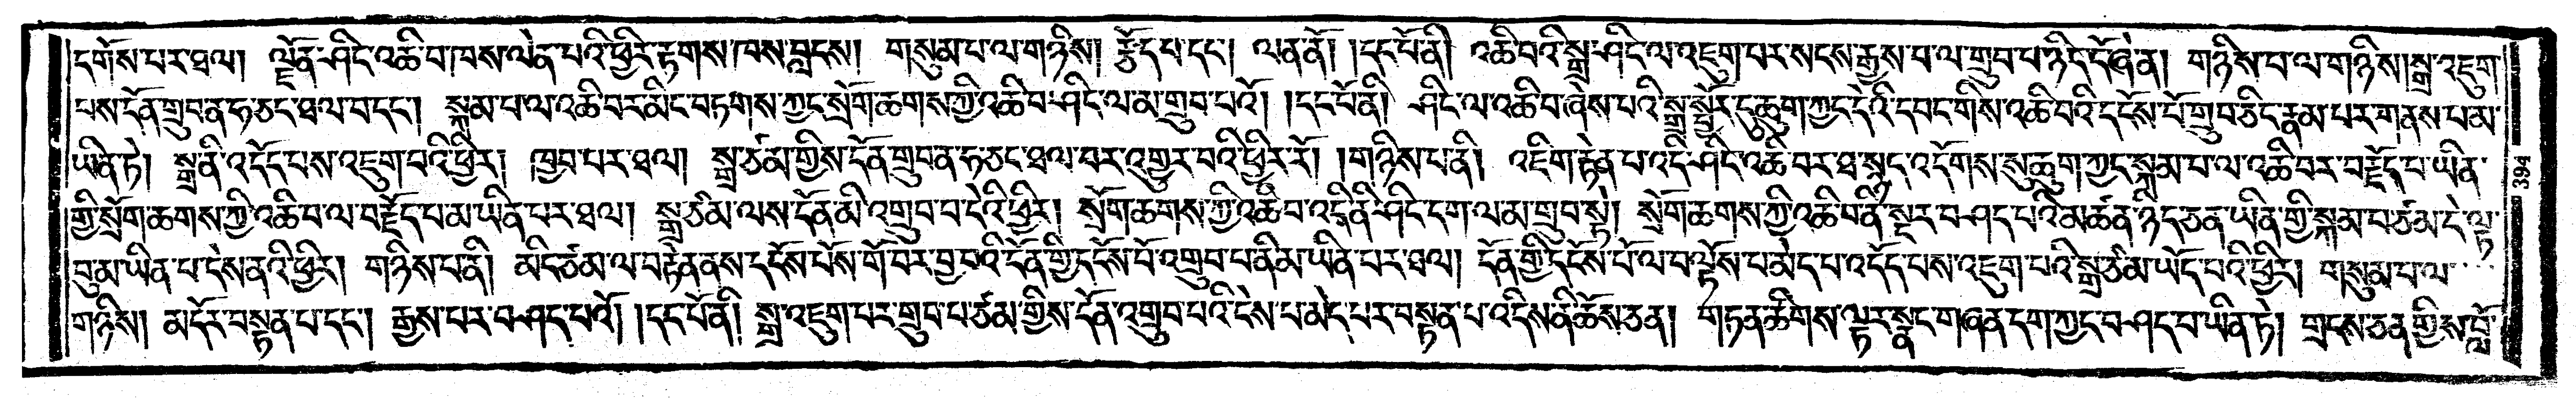དགོས་པར་ཐལ། ལྗོན་ཤིང་འཆི་བ་ཁས་ལེན་པའི་ཕྱིར་རྟགས་ཁས་བླངས། གསུམ་པ་ལ་གཉིས། རྩོད་པ་དང་། ལན་ནོ། །དང་པོ་ནི། འཆི་བའི་སྒྲ་ཤིང་ལ་འཇུག་པར་སངས་རྒྱས་པ་ལ་གྲུབ་པ་ཉིད་དོ་ཞེ་ན། གཉིས་པ་ལ་གཉིས། སྒྲ་འཇུག་
པས་དོན་གྲུབ་ན་ཧ་ཅང་ཐལ་བ་དང་། སྐམ་པ་ལ་འཆི་བར་མིང་བཏགས་ཀྱང་སྲོག་ཆགས་ཀྱི་འཆི་བ་ཤིང་ལ་མ་གྲུབ་པའོ། །དང་པོ་ནི། ཤིང་ལ་འཆི་བ་ཞེས་པའི་སྒྲ་སྦྱོར་དུ་ཆུག་ཀྱང་དེའི་དབང་གིས་འཆི་བའི་དངོས་པོ་གྲུབ་ཅིང་རྣམ་པར་གནས་པ་མ་
ཡིན་ཏེ། སྒྲ་ནི་འདོད་པས་འཇུག་པའི་ཕྱིར། ཁྱབ་པར་ཐལ། སྒྲ་ཙམ་གྱིས་དོན་གྲུབ་ན་ཧ་ཅང་ཐལ་བར་འགྱུར་བའི་ཕྱིར་རོ། །གཉིས་པ་ནི། འཇིག་རྟེན་པ་འདི་ཤིང་འཆི་བར་ཐ་སྙད་འདོགས་སུ་ཆུག་ཀྱང་སྐམ་པ་ལ་འཆི་བར་བརྗོད་པ་ཡིན་
གྱི་སྲོག་ཆགས་ཀྱི་འཆི་བ་ལ་བརྗོད་པ་མ་ཡིན་པར་ཐལ། སྒྲ་ཙམ་ལས་དོན་མི་འགྲུབ་པ་དེའི་ཕྱིར། སྲོག་ཆགས་ཀྱི་འཆི་བ་འདི་ནི་ཤིང་དག་ལ་མ་གྲུབ་སྟེ། སྲོག་ཆགས་ཀྱི་འཆི་བ་ནི་སྔར་བཤད་པའི་མཚན་ཉིད་ཅན་ཡིན་གྱི་སྐམ་པ་ཙམ་དེ་ལྟ་
བུ་མ་ཡིན་པ་དེས་ནའི་ཕྱིར། གཉིས་པ་ནི། མིང་ཙམ་ལ་བརྟེན་ནས་དངོས་པོས་གོ་བར་བྱ་བའི་དོན་གྱི་དངོས་བོ་འགྲུབ་པ་ནི་མ་ཡིན་པར་ཐལ། དོན་གྱི་དངོས་པོ་ལ་བལྟོས་པ་མེད་པ་འདོད་པས་འཇུག་པའི་སྒྲ་ཙམ་ཡོད་པའི་ཕྱིར། གསུམ་པ་ལ་
གཉིས། མདོར་བསྟན་པ་དང་། རྒྱས་པར་བཤད་པའོ། །དང་པོ་ནི། སྒྲ་འཇུག་པར་གྲུབ་པ་ཙམ་གྱིས་དོན་འགྲུབ་པའི་ངེས་པ་མེད་པར་བསྟན་པ་འདིས་ནི་ཆོས་ཅན། གཏན་ཚིགས་ལྟར་སྣང་གཞན་དག་ཀྱང་བཤད་པ་ཡིན་ཏེ། གྲངས་ཅན་གྱིས་བློ་